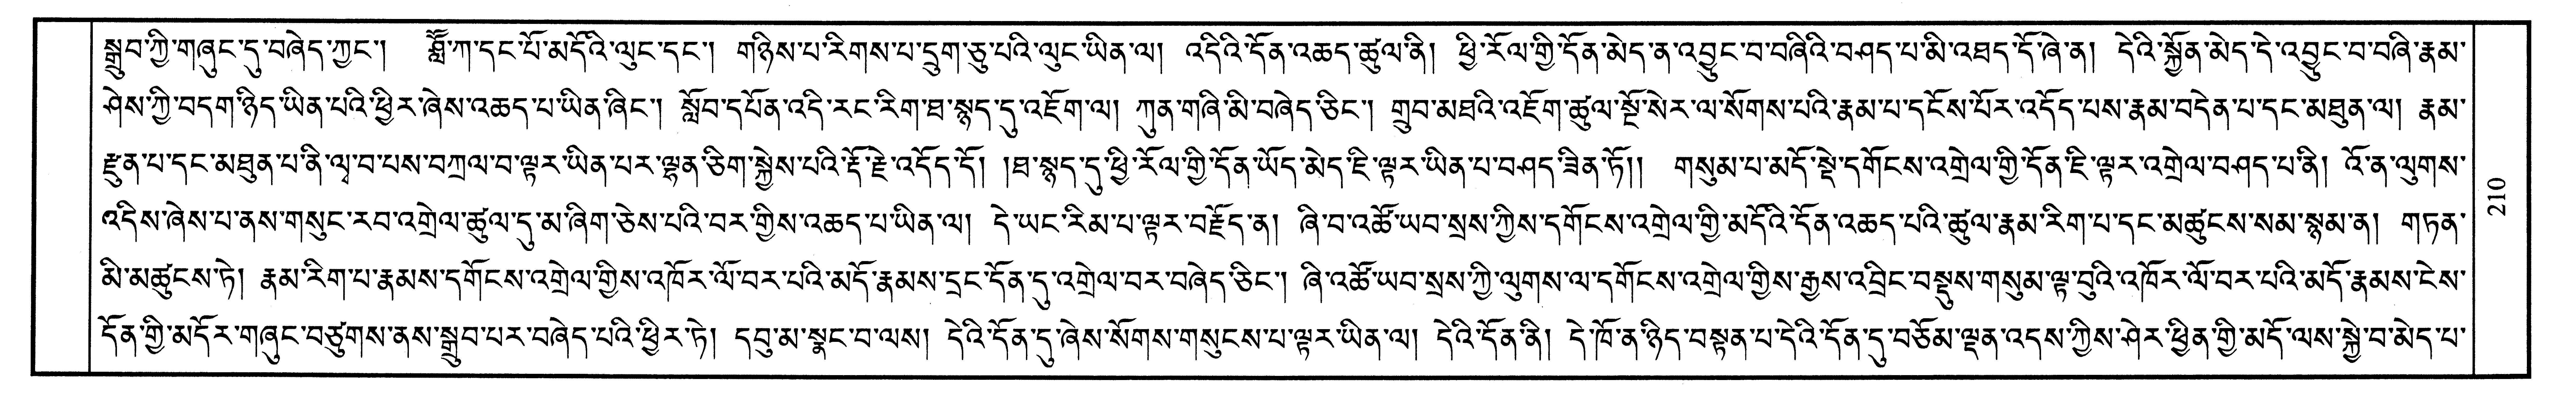སྒྲུབ་ཀྱི་གཞུང་དུ་བཞེད་ཀྱང་། ཤླཽ་ཀ་དང་པོ་མདོའི་ལུང་དང་། གཉིས་པ་རིགས་པ་དྲུག་ཅུ་པའི་ལུང་ཡིན་ལ། འདིའི་དོན་འཆད་ཚུལ་ནི། ཕྱི་རོལ་གྱི་དོན་མེད་ན་འབྱུང་བ་བཞིའི་བཤད་པ་མི་འཐད་དོ་ཞེ་ན། དེའི་སྐྱོན་མེད་དེ་འབྱུང་བ་བཞི་རྣམ་
ཤེས་ཀྱི་བདག་ཉིད་ཡིན་པའི་ཕྱིར་ཞེས་འཆད་པ་ཡིན་ཞིང་། སློབ་དཔོན་འདི་རང་རིག་ཐ་སྙད་དུ་འཇོག་ལ། ཀུན་གཞི་མི་བཞེད་ཅིང་། གྲུབ་མཐའི་འཇོག་ཚུལ་སྔོ་སེར་ལ་སོགས་པའི་རྣམ་པ་དངོས་པོར་འདོད་པས་རྣམ་བདེན་པ་དང་མཐུན་ལ། རྣམ་
རྫུན་པ་དང་མཐུན་པ་ནི་ལྭ་བ་པས་བཀྲལ་བ་ལྟར་ཡིན་པར་ལྷན་ཅིག་སྐྱེས་པའི་རྡོ་རྗེ་འདོད་དོ། །ཐ་སྙད་དུ་ཕྱི་རོལ་གྱི་དོན་ཡོད་མེད་ཇི་ལྟར་ཡིན་པ་བཤད་ཟིན་ཏོ།། གསུམ་པ་མདོ་སྡེ་དགོངས་འགྲེལ་གྱི་དོན་ཇི་ལྟར་འགྲེལ་བཤད་པ་ནི། འོ་ན་ལུགས་
འདིས་ཞེས་པ་ནས་གསུང་རབ་འགྲེལ་ཚུལ་དུ་མ་ཞིག་ཅེས་པའི་བར་གྱིས་འཆད་པ་ཡིན་ལ། དེ་ཡང་རིམ་པ་ལྟར་བརྗོད་ན། ཞི་བ་འཚོ་ཡབ་སྲས་ཀྱིས་དགོངས་འགྲེལ་གྱི་མདོའི་དོན་འཆད་པའི་ཚུལ་རྣམ་རིག་པ་དང་མཚུངས་སམ་སྙམ་ན། གཏན་
མི་མཚུངས་ཏེ། རྣམ་རིག་པ་རྣམས་དགོངས་འགྲེལ་གྱིས་འཁོར་ལོ་བར་བའི་མདོ་རྣམས་དྲང་དོན་དུ་འགྲེལ་བར་བཞེད་ཅིང་། ཞི་འཚོ་ཡབ་སྲས་ཀྱི་ལུགས་ལ་དགོངས་འགྲེལ་གྱིས་རྒྱས་འབྲིང་བསྡུས་གསུམ་ལྟ་བུའི་འཁོར་ལོ་བར་པའི་མདོ་རྣམས་ངེས་
དོན་གྱི་མདོར་གཞུང་བཙུགས་ནས་སྒྲུབ་པར་བཞེད་པའི་ཕྱིར་ཏེ། དབུ་མ་སྣང་བ་ལས། དེའི་དོན་དུ་ཞེས་སོགས་གསུངས་པ་ལྟར་ཡིན་ལ། དེའི་དོན་ནི། དེ་ཁོ་ན་ཉིད་བསྟན་པ་དེའི་དོན་དུ་བཅོམ་ལྡན་འདས་ཀྱིས་ཤེར་ཕྱིན་གྱི་མདོ་ལས་སྐྱེ་བ་མེད་པ་